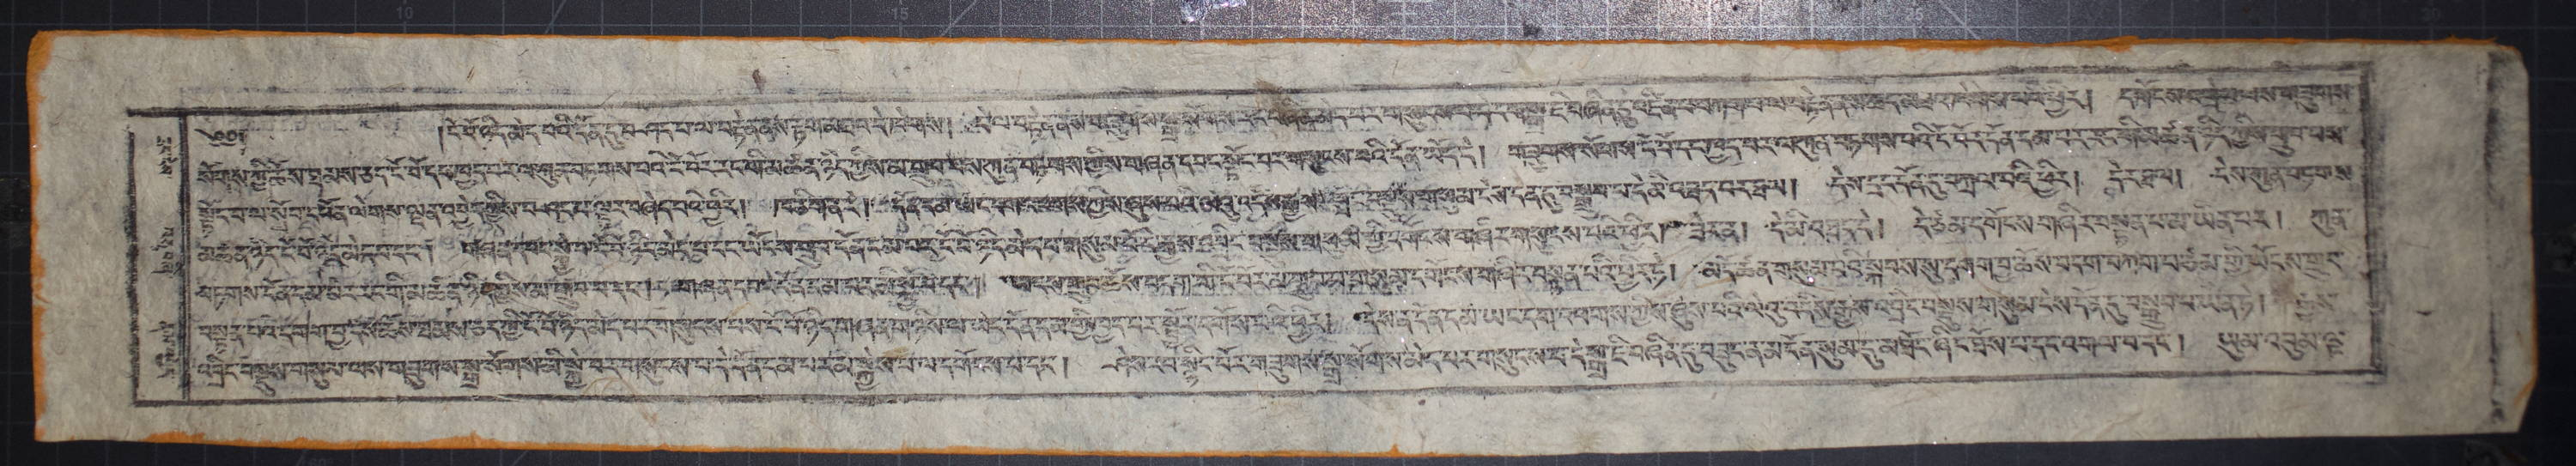༄༅། །ངོ་བོ་ཉིད་མེད་པའི་དོན་དུ་བཤད་པ་ལ་བརྟེན་ནས་རྟག་མཐའ་དེ་ཁེགས། དེ་ལ་བརྟེན་ནས་གཟུགས་སྒྲ་སོགས་རང་བཞིན་མེད་པར་གསུངས་པ་དེ་དག་སྒྲ་ཇི་བཞིན་དུ་འཛིན་པ་བཀག་པ་ལ་བརྟེན་ནས་ཆད་མཐའ་ཁེགས་པའི་ཕྱིར། དགོངས་འགྲེལ་ལས་གཟུགས་
སོགས་ཀྱི་ཆོས་ཐམས་ཅད་ངོ་བོ་དང་ཁྱད་པར་ལ་ཀུན་བཏགས་པའི་ངོ་བོར་རང་གི་མཚན་ཉིད་ཀྱིས་མ་གྲུབ་པས་ཀུན་བཏགས་ཀྱིས་གཞན་དབང་སྟོང་པར་གསུངས་པའི་དོན་ཡོད་དེ། གཟུགས་སོགས་ངོ་བོ་དང་ཁྱད་པར་ལ་ཀུན་བཏགས་པའི་ངོ་བོར་དོན་དམ་པར་རང་གི་མཚན་ཉིད་ཀྱིས་གྲུབ་པས་
སྟོང་པ་ལ་སློབ་དཔོན་ལེགས་ལྡན་འབྱེད་ཀྱིས་བཤད་པ་ལྟར་བཞེད་པའི་ཕྱིར། ཁ་ཅིག་ན་རེ། དོན་དམ་ཡང་དག་འཕགས་ཀྱིས་ཞུས་པའི་ལེའུ་འདིས་རྒྱས་འབྲིང་བསྡུས་གསུམ་ངེས་དོན་དུ་བསྒྲུབ་པ་དེ་མི་འཐད་པར་ཐལ། དེས་དྲང་དོན་དུ་བཀྲལ་བའི་ཕྱིར། དེར་ཐལ། དེས་ཀུན་བཏགས་
མཚན་ཉིད་ངོ་བོ་ཉིད་མེད་པ་དང་། གཞན་དབང་སྐྱེ་བ་ངོ་བོ་ཉིད་མེད་པ་དང་ཡོངས་གྲུབ་དོན་དམ་པར་ངོ་བོ་ཉིད་མེད་པ་གསུམ་པོ་དེ་རྒྱས་འབྲིང་བསྡུས་གསུམ་གྱི་དགོངས་གཞིར་གསུངས་པའི་ཕྱིར། ཟེར་ན་དེ་མི་འཐད་དེ། དེ་ཙམ་དགོངས་གཞིར་བསྟན་པ་མ་ཡིན་པར། ཀུན་
བཏགས་དོན་དམ་པར་རང་གི་མཚན་ཉིད་ཀྱིས་མ་གྲུབ་པ་དང་། གཞན་དབང་དོན་དམ་པར་མི་སྐྱེ་བ་དང་། ཡོངས་གྲུབ་ཆོས་བདག་གི་ངོ་བོར་མ་གྲུབ་པ་གསུམ་དགོངས་གཞིར་བསྟན་པའི་ཕྱིར་ཏེ། མདོ་ཚན་གསུམ་པའི་སྐབས་སུ་དགག་བྱ་ཆོས་བདག་བཀག་པ་ཙམ་གྱི་ཡོངས་གྲུབ་
བསྟན་པའི་དགག་བྱ་དེས་ཆོས་ཐམས་ཅད་ཀྱི་ངོ་བོ་ཉིད་མེད་པར་གསུངས་པས་ངོ་བོ་ཉིད་གཞན་གཉིས་ལ་ཡང་དོན་དམ་གྱི་ཁྱད་པར་སྦྱོར་དགོས་པའི་ཕྱིར། དེས་ན་དོན་དམ་ཡང་དག་འཕགས་ཀྱིས་ཞུས་པའི་ལེའུ་འདིས་རྒྱས་འབྲིང་བསྡུས་གསུམ་ངེས་དོན་དུ་བསྒྲུབ་པ་ཡིན་ཏེ། རྒྱས་
འབྲིང་བསྡུས་གསུམ་ལས་གཟུགས་སྒྲ་སོགས་མི་སྐྱེ་བར་གསུངས་པ་དེ་དོན་དམ་པར་མ་སྐྱེས་པ་ལ་དགོངས་པ་དང་། ཤེས་རབ་སྙིང་པོར་གཟུགས་སྒྲ་སོགས་མེད་པར་གསུངས་པ་དེ་སྒྲ་ཇི་བཞིན་དུ་བཟུང་ན་མངོན་སུམ་དུ་མཐོང་ཞིང་ཐོས་པ་དང་འགལ་བ་དང་། ཡུམ་འབུམ་ལྟ་